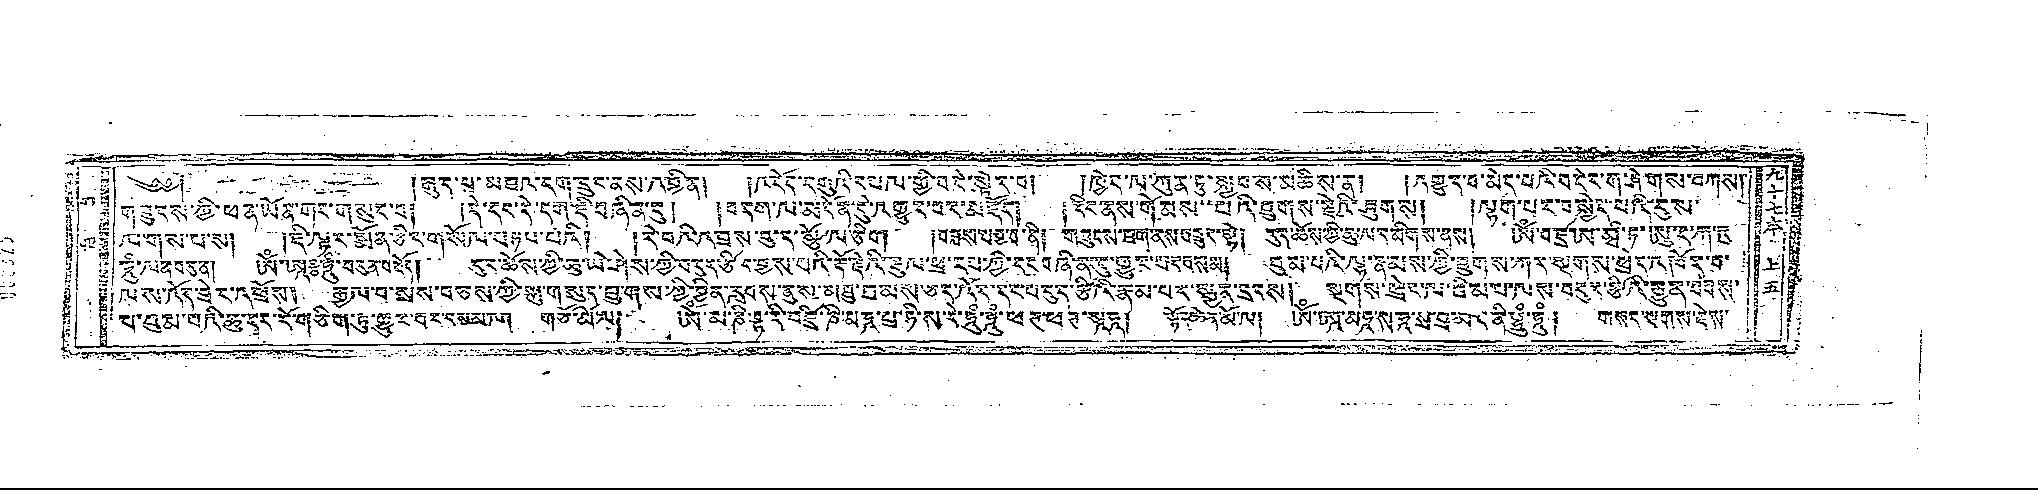༄༅། །རྒུད་པ་མཐའ་དག་དྲུང་ནས་འབྱིན། །འདོད་དགུའི་དཔལ་གྱི་བདེ་སྟེར་བ། །ཁྱེད་ལ་ཀུན་ཏུ་སྐྱབས་མཆིས་ན། །འགྱུར་བ་མེད་པའི་བདེར་གཤེགས་བཀས།།
གཟུངས་ཀྱི་ཕན་ཡོན་གང་གསུང་པ། །དེ་དང་དེ་དག་ཇི་བཞིན་དུ། །བདག་ལ་མངོན་དུ་འགྱུར་བར་མཛོད། །རིང་ནས་གོམས་པའི་ཐུགས་རྗེའི་ཤུགས། །ལྷག་པར་བསྐྱེད་པའི་དུས་
ལགས་པས། །ཇི་ལྟར་སྨོན་ཅིང་གསོལ་བཏབ་པའི། །རེ་བའི་འབྲས་བུ་ད་སྩོལ་ཅིག །བཟླས་ལ་བྱ་བ་ནི། གཟུངས་ཐག་ནས་བཟུང་སྟེ། དུད་ཆོས་ཀྱི་ཆུ་ལ་དམིགས་ནས། ཨོཾ་བཛྲ་ཨ་མྲྀ་ཏ་ཨུ་དཀའ་
ཧཱུཾ་ལན་བདུན། ཨོཾ་ཨཱཿ་ཧཱུཾ་བདུན་བརྗོད། དུང་ཆོས་ཀྱི་ཆུ་ཡེ་ཤེས་ཀྱི་བདུད་རྩིར་བྱས་པའི་རྡོ་རྗེའི་རྡུལ་ཕྲ་རབ་ཀྱི་རང་བཞིན་དུ་གྱུར་པར་བསམ། བུམ་པའི་ལྷ་རྣམས་ཀྱི་ཐུགས་ཀར་སྔགས་ཕྲེང་འཁོད་པ་
ལས་འོད་ཟེར་འཕྲོས། རྒྱལ་བ་སྲས་བཅས་ཀྱི་སྐུ་གསུང་ཐུགས་ཀྱི་བྱིན་རླབས་ནུས་མཐུ་ཐམས་ཅད་འོད་དང་བདུད་རྩིའི་རྣམ་པར་སྤྱན་དྲངས། སྔགས་ཕྲེང་ལ་ཐིམ་པ་ལས་བདུད་རྩིའི་རྒྱུན་བབས་
པ་བུམ་པའི་ཆུ་དང་རོ་གཅིག་ཏུ་གྱུར་བར་བསམ་ལ། གཙོ་མོ་ལ། ཨོཾ་མ་ཎི་དྷ་རི་བཛྲི་ཎི་མཧཱ་པྲ་ཏི་ས་རེ་ཧཱུཾ་ཧཱུཾ་ཕཊ་ཕཊ་སྭཱཧཱ། སྟོང་ཆེན་མོ་ལ། ཨོཾ་ཨཱ་མ་ཧཱ་ས་ཧཱ་སྲ་པྲ་མརྡ་ནི་བྷྲུཾ་ཧཱུཾ། གསང་སྔགས་རྗེས་